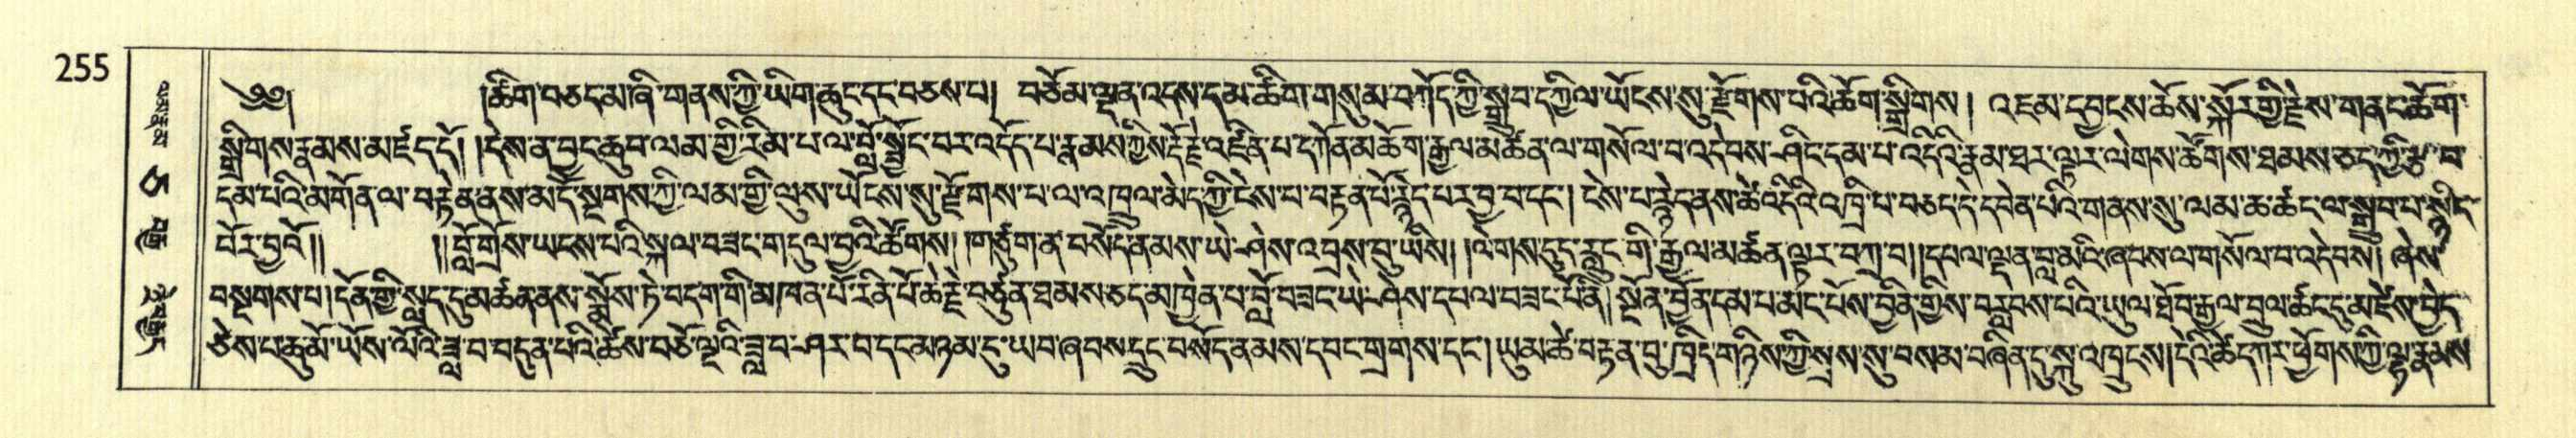༄༅། །ཚིག་བཅད་མ་ཞི་གནས་ཀྱི་ཡིག་ཆུང་དང་བཅས་པ། བཅོམ་ལྡན་འདས་དམ་ཚིག་གསུམ་བཀོད་ཀྱི་སྒྲུབ་དཀྱིལ་ཡོངས་སུ་རྫོགས་པའི་ཆོག་སྒྲིགས། འཇམ་དབྱངས་ཆོས་སྐོར་གྱི་རྗེས་གནང་ཆོག་
སྒྲིགས་རྣམས་མཛད་དོ། །དེས་ན་བྱང་ཆུབ་ལམ་གྱི་རིམ་པ་ལ་བློ་སྦྱོང་བར་འདོད་པ་རྣམས་ཀྱིས་རྡོ་རྗེ་འཛིན་པ་དཀོན་མཆོག་རྒྱལ་མཚན་ལ་གསོལ་བ་འདེབས་ཤིང་དམ་པ་འདིའི་རྣམ་ཐར་ལྟར་ལེགས་ཚོགས་ཐམས་ཅད་ཀྱི་རྩ་བ་
དམ་པའི་མགོན་ལ་བརྟེན་ནས་མདོ་སྔགས་ཀྱི་ལམ་གྱི་ལུས་ཡོངས་སུ་རྫོགས་པ་ལ་འཁྲུལ་མེད་ཀྱི་ངེས་པ་བརྟན་པོ་རྙེད་པར་བྱ་བ་དང་། ངེས་པ་རྙེད་ནས་ཚེ་འདིའི་འཁྲི་པ་བཅད་དེ་དབེན་པའི་གནས་སུ་ལམ་ཆ་ཚང་ལ་སྒྲུབ་པ་སྙིང་
བོར་བྱའོ།། །།བློ་གྲོས་ཡངས་པའི་སྐལ་བཟང་གདུལ་བྱའི་ཚོགས། །གཙུག་ན་བསོད་ནམས་ཡེ་ཤེས་འབྲས་བུ་ཡིས། །ལེགས་དུད་རླུང་གི་རྒྱལ་མཚན་ལྟར་བཀྲ་བ། །དཔལ་ལྡན་བླ་མའི་ཞབས་ལ་གསོལ་བ་འདེབས། ཞེས་
བསྔགས་པ། དོན་གྱི་སླད་དུ་མཚན་ནས་སྨོས་ཏེ་བདག་གི་མཁན་པོ་རིན་པོ་ཆེ་རྗེ་བཙུན་ཐམས་ཅད་མཁྱེན་པ་བློ་བཟང་ཡེ་ཤེས་དཔལ་བཟང་པོ་ནི། སྔོན་བྱོན་དམ་པ་མང་པོས་བྱིན་གྱིས་བརླབས་པའི་ཡུལ་ཐོབ་རྒྱལ་བྲུལ་ཚང་དུ་མཛེས་བྱེད་
ཅེས་པ་ཆུ་མོ་ཡོས་ལོའི་ཟླ་བ་བདུན་པའི་ཚེས་བཅོ་ལྔའི་ཟླ་བ་ཤར་བ་དང་མཉམ་དུ་ཡབ་ཞབས་དྲུང་བསོད་ནམས་དབང་གྲགས་དང་། ཡུམ་ཚེ་བརྟན་བུ་ཁྲིད་གཉིས་ཀྱི་སྲས་སུ་བསམ་བཞིན་དུ་སྐུ་འཁྲུངས། དེའི་ཚེ་དཀར་ཕྱོགས་ཀྱི་ལྷ་རྣམས་